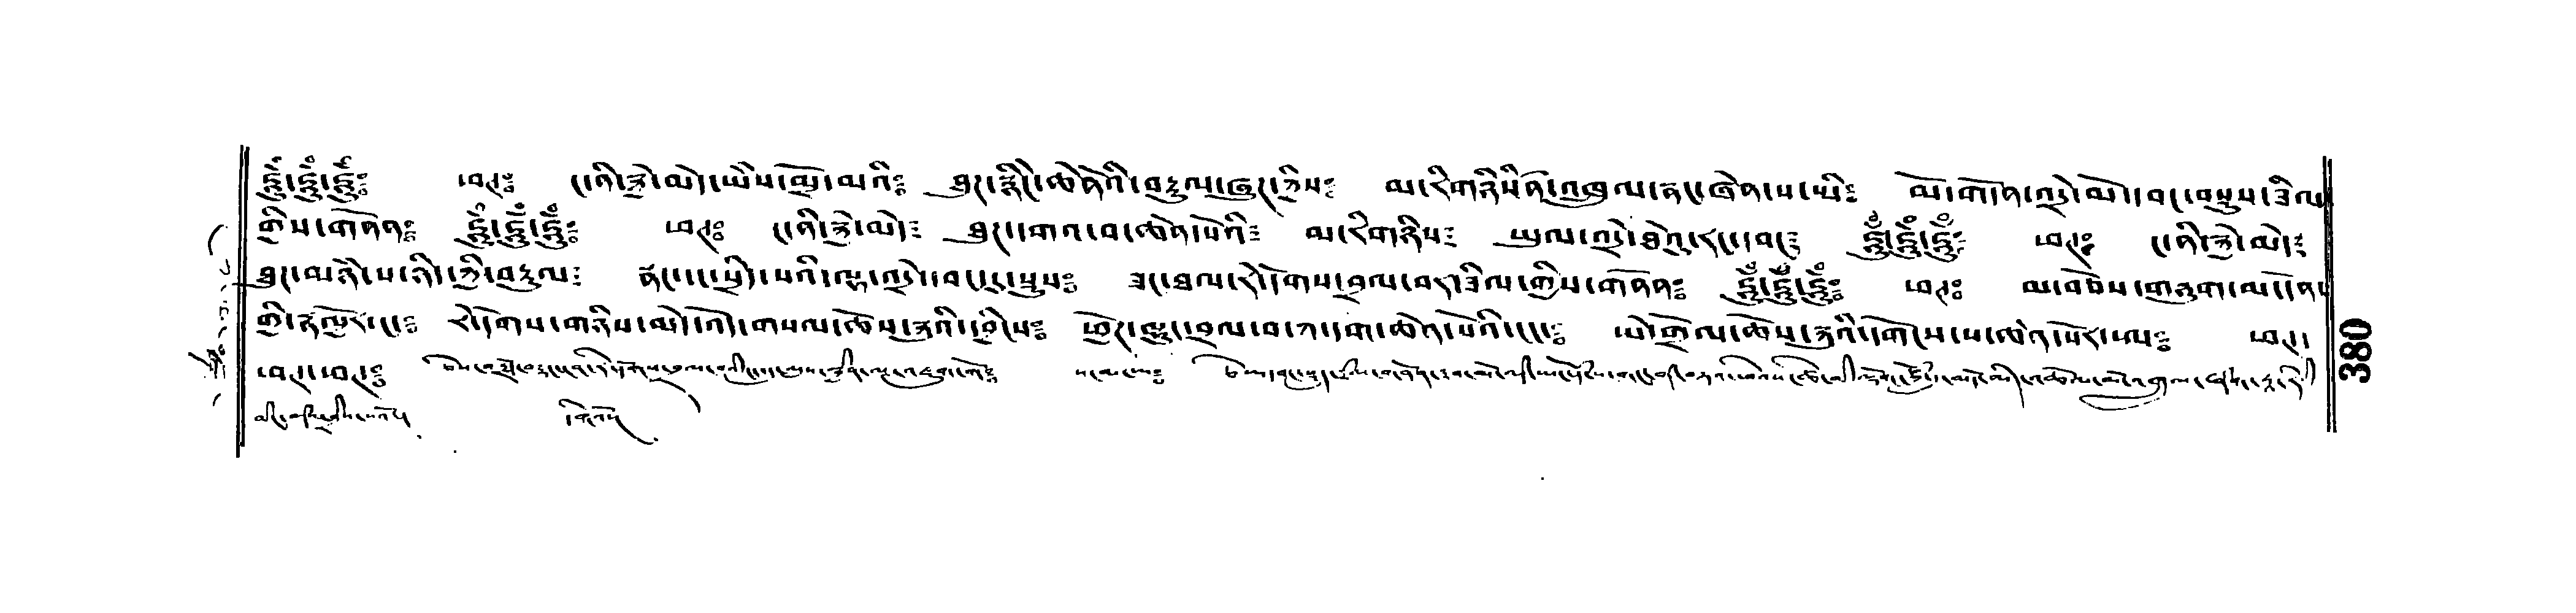ཧཱུྃ་ཧཱུྃ་ཧཱུྃ༔ ཕཊཿ ང་ནི་སྐྱེ་མེད་ཡེ་ཤེས་མཁའ་འགྲོ་མའི༔ ཐུགས་སྙིང་རྗེ་ཆེན་པོའི་བརྟུལ་ཞུགས་ཀྱིས༔ མ་རིག་གཉིས་འཛིན་འཁྲུལ་སྣང་ཞེན་པ་ཡི༔ མོ་གདོན་འདྲེ་མོ་དབང་བསྡུས་ཟིལ་
གྱིས་གནོན༔ ཧཱུྃ་ཧཱུྃ་ཧཱུྃ༔ ཕཊཿ ང་ནི་སྐྱེ་མེད༴ ཐུགས་དགའ་བ་ཆེན་པོའི༴ མ་རིག་གཉིས༴ ཡུལ་འདྲེ་ཐེའུ་རང་དབང༴ ཧཱུྃ་ཧཱུྃ་ཧཱུྃ༔ ཕཊཿ ང་ནི་སྐྱེ་མེད༴ 
ཐུགས་མཉམ་པ་ཉིད་ཀྱི་བརྟུལ༴ སྣང་དང་སྲིད་པའི་ལྷ་འདྲེ་དབང་དུ་སྡུས༔ ཟང་ཐལ་རེ་དོགས་བྲལ་བར་ཟིལ་གྱིས་གནོན༔ ཧཱུྃ་ཧཱུྃ་ཧཱུྃ༔ ཕཊཿ མ་བཅོས་གཉུག་མ་དོན་
གྱི་རྣལ་འབྱོར་དང༔ རེ་དོགས་གཉིས་མེད་འོད་གསལ་ཆོས་སྐུའི་དབྱིངས༔ ཕྱོགས་ལྷུང་བྲལ་བ་ཀ་དག་ཆེན་པོའི་ངང༔ ཡེ་གྲོལ་ཆོས་སྐུའི་དགོངས་པ་ཆེན་པོར་ཨཱཿཕཊ་ཕཊ་
ཕཊཿ ཅེས་བརྗོད་བཟང་ངན་རེ་དོགས་བྲལ་བའི་ངང་དུ་ལུས་སྦྱིན་ལ་འཇུག་གོ༔ ས་མ་ཡ༔ ཅེས་དབང་སྡུད་ཟིལ་གནོན་ཟབ་མོ་འདི་ཡང་དམ་པ་གང་གི་བཀའ་ཕེབས་ཚེ་མ་ལྡོག་ཙམ་དུ་མདོ་མེད་འཆོལ་མོ་འཁྲུལ་ཞིག་ཏཱ་རེའི་
མིང་གིས་བྲིས་པའོ།།